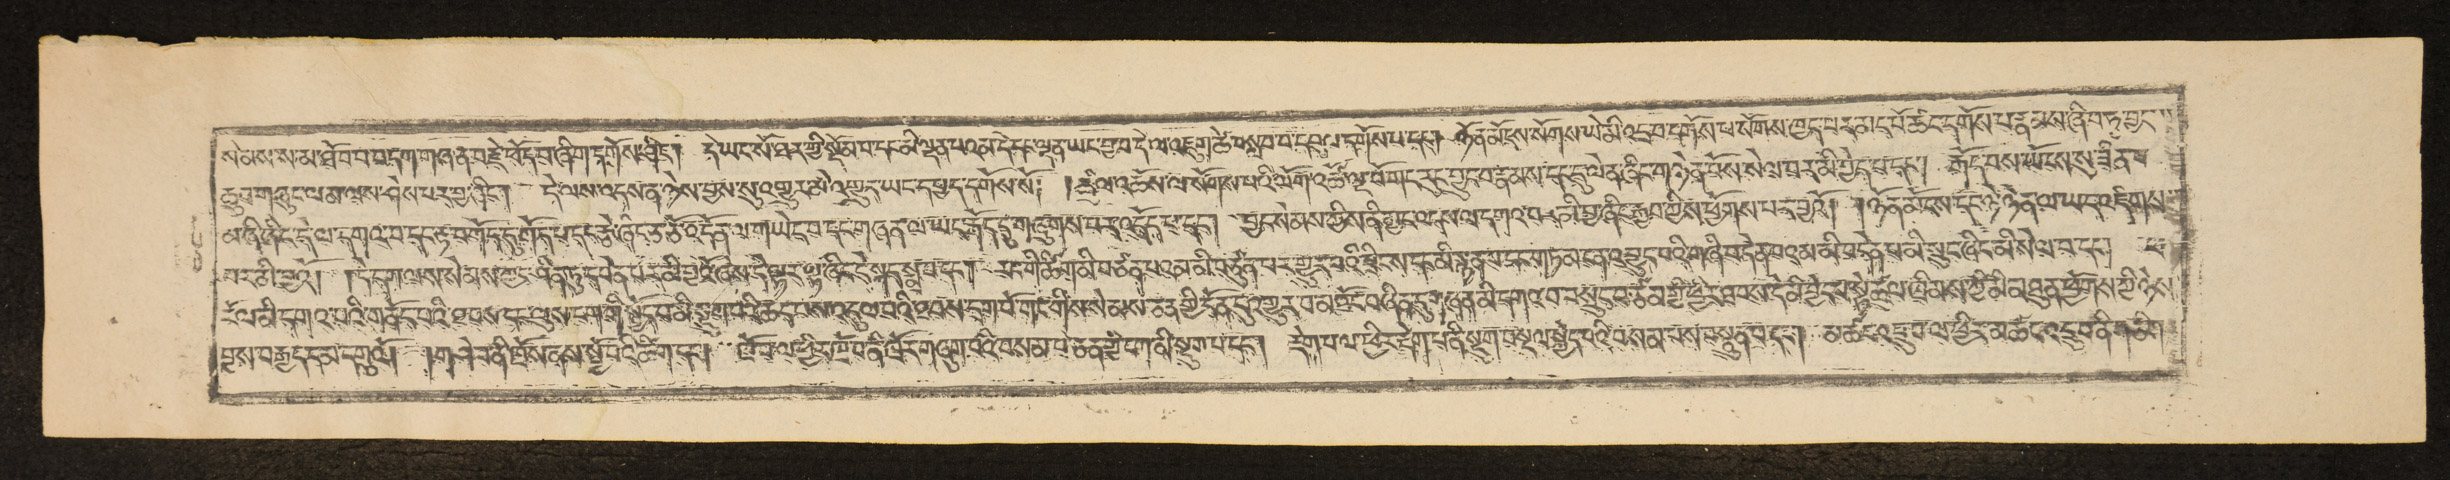སེམས་ས་མ་ཐོབ་པ་བདག་གཞན་བརྗེ་ཕོད་བ་ཞིག་དགོས་ཤིང་། དེ་ཡང་སོ་ཐར་གྱི་སྡོམ་པ་དང་མི་ལྡན་པའམ་དེ་དང་ལྷན་ཡང་བྱ་བ་དེ་ལ་འཇུག་ཚེ་བསླབ་བ་དབུལ་དགོས་པ་དང་། ཉོན་མོངས་སོགས་ཡེ་མི་འདྲ་བ་དགོས་པ་སོགས་ཁྱད་པར་མང་པོ་ཚང་དགོས་པ་རྣམས་ཞིབ་ཏུ་བྱང་
ཆུབ་གཞུང་ལམ་ལས་ཤེས་པར་བྱ་ཞིང་། དེ་ལས་འདས་ན་ཉེས་བྱས་སུ་འགྱུར་མི་འགྱུར་ཡང་དབྱད་དགོས་སོ། །ཚུལ་འཆོས་ལ་སོགས་པའི་ལོག་འཚོ་ལྔ་པོ་གང་རུང་བྱུང་བ་རྣམས་དང་དུ་ལེན་ཞིང་གཉེན་པོས་སེལ་བར་མི་བྱེད་པ་དང་། རྒོད་པས་ཡོངས་སུ་ཟིན་པ་
མ་ཞི་ཞིང་དེ་ལ་དགའ་བ་དང་རྟ་བགོད་དུ་གོད་པ་དང་རྩེ་ཞིང་ཅ་ཅོ་འདོན་ལ་གཡེང་བ་དང་གཞན་ལ་ཡང་རྒོད་དུ་གཞུགས་པར་འདོད་པ་དང་། བྱང་སེམས་ཀྱིས་ནི་མྱང་འདས་ལ་དགའ་བར་མི་བྱ་ཞིང་རྒྱབ་ཀྱིས་ཕྱོགས་པར་བྱའོ། །ཉོན་མོངས་དང་ཉེ་ཉེན་ལ་ཡང་འཇིགས་
པར་མི་བྱའོ། །དེ་དག་ལས་སེམས་ཀྱང་ཤིན་ཏུ་དབེན་པར་མི་བྱའོ་ཞེས་དེ་ལྟར་ལྟ་ཞིང་དེ་སྐད་སྨྲ་བ་དང་། རང་གི་ཚིག་མི་བཙན་པའམ་མི་བཙུན་པར་གྱུར་བའི་བྲིངས་དང་མི་སྙན་པ་དང་གཏམ་ངན་འབྱུང་བའི་གཞི་བདེན་པའམ་མི་བདེན་པ་མི་སྲུང་ཞིང་མི་སེལ་བ་དང་། ཕ་
རོལ་མི་དགའ་བའི་གནོད་པའི་ཐབས་དང་ལུས་ངག་གི་སྤྱོད་པ་མི་སྡུག་པའི་ཆད་པས་འདུལ་བའི་ཐབས་དྲག་པོ་གང་གིས་སེམས་ཅན་གྱི་དོན་འགྱུར་བ་མཐོང་བཞིན་དུ་གཞན་མི་དགའ་བ་བསྲུང་བ་ཙམ་གྱི་ཕྱིར་ཐབས་དེ་མི་བྱེད་པ་སྟེ་ཚུལ་ཁྲིམས་ཀྱི་མི་མཐུན་ཕྱོགས་ཀྱི་ཉེས་
བྱས་བརྒྱད་དམ་དགུའོ། །གཤེ་བ་ནི་ཁྲོས་ནས་སྦྱོ་བའི་ཚིག་དང་། ཁྲོ་བ་ལ་ཕྱིར་ཁྲོ་བ་ནི་ཁྲོར་གཞུག་པའི་བསམ་པ་ཅན་གྱི་ངག་མི་སྡུག་པ་དང་། རྡེག་པ་ལ་ཕྱིར་རྡེག་པ་ནི་སྡུག་བསྔལ་སྐྱེད་པའི་བསམ་པས་བསྣུན་པ་དང་། མཚང་འདྲུ་བ་ལ་ཕྱིར་མཚང་འདྲུ་བ་ནི་གཅིག་